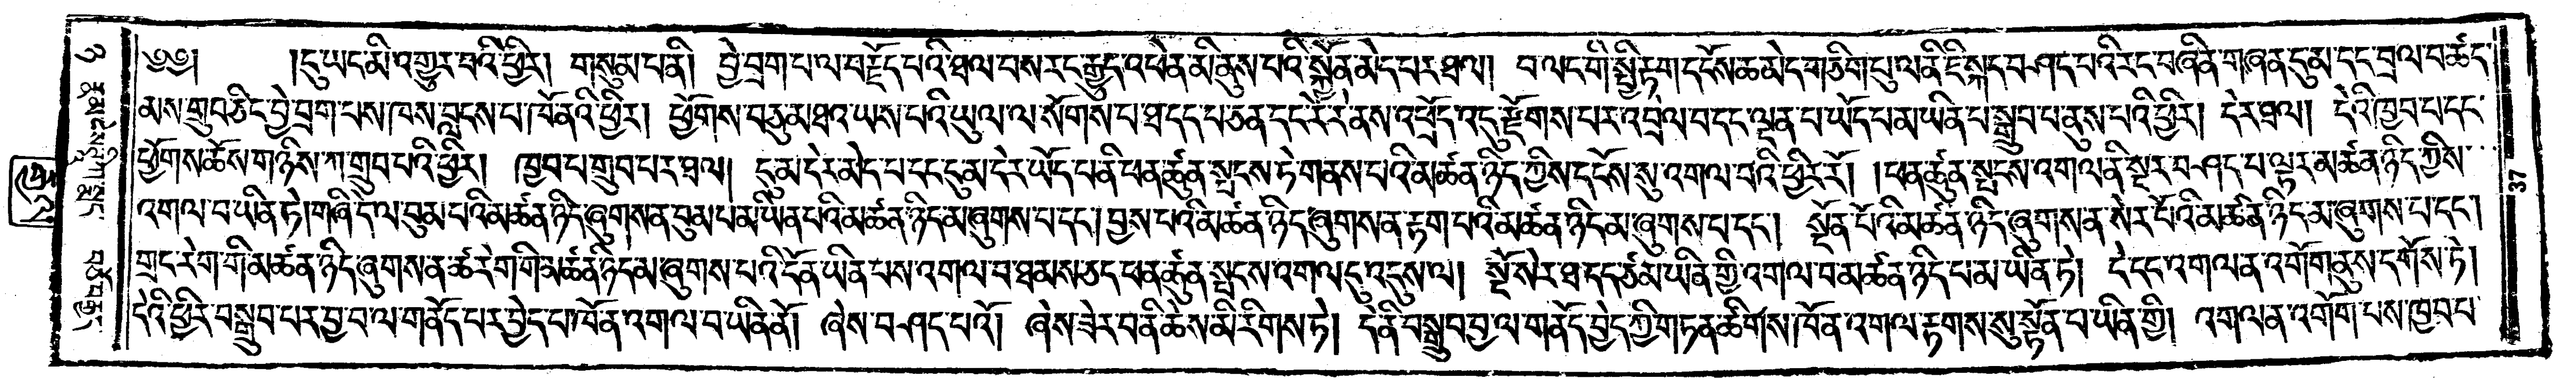༄༅། །དུ་ཡང་མི་འགྱུར་བའི་ཕྱིར། གསུམ་པ་ནི། བྱེ་བྲག་པ་ལ་བརྗོད་པའི་ཐལ་བས་རང་རྒྱུད་འཕེན་མི་ནུས་པའི་སྐྱོན་མེད་པར་ཐལ། བ་ལང་གི་སྤྱི་རྟག་དངོས་ཆ་མེད་གཅིག་པུ་ལ་ནི་ཇི་སྐད་བཤད་པའི་རང་བཞིན་གཞན་དུ་མ་དང་བྲལ་བ་ཚད་
མས་གྲུབ་ཅིང་བྱེད་པས་ཁས་བླངས་པ་ཁོ་ནའི་ཕྱིར། ཕྱོགས་བཅུ་མཐའ་ཡས་པའི་ཡུལ་ལ་སོགས་པ་ཐ་དད་པ་ཅན་དང་རེ་རེ་ནས་འཕྲོད་འདུ་རྫོགས་པར་འབྲེལ་བ་དང་ལྡན་པ་ཡོད་པ་མ་ཡིན་པ་སྒྲུབ་པ་ནུས་པའི་ཕྱིར། དེར་ཐལ། དེའི་ཁྱབ་པ་དང་
ཕྱོགས་ཆོས་གཉིས་ཀ་གྲུབ་པའི་ཕྱིར། ཁྱབ་པ་གྲུབ་པར་ཐལ། དུ་མ་དེར་མེད་པ་དང་དུ་མ་དེར་ཡོད་པ་ནི་ཕན་ཚུན་སྤངས་ཏེ་གནས་པའི་མཚན་ཉིད་ཀྱིས་དངོས་སུ་འགལ་བའི་ཕྱིར་རོ། །ཕན་ཚུན་སྤངས་འགལ་ནི་སྔར་བཤད་པ་ལྟར་མཚན་ཉིད་ཀྱིས་
འགལ་བ་ཡིན་ཏེ། གཞི་དེ་ལ་བུམ་པའི་མཚན་ཉིད་ཞུགས་ན་བུམ་པ་མ་ཡིན་པའི་མཚན་ཉིད་མ་ཞུགས་པ་དང་། བྱས་པའི་མཚན་ཉིད་ཞུགས་ན་རྟགས་པའི་མཚན་ཉིད་མ་ཞུགས་པ་དང་། སྔོན་པོའི་མཚན་ཉིད་ཞུགས་ན་སེར་པོའི་མཚན་ཉིད་མ་ཞུགས་པ་དང་།
གྲང་རེག་གི་མཚན་ཉིད་ཞུགས་ན་ཚ་རེག་གི་མཚན་ཉིད་མ་མ་ཞུགས་པའི་དོན་ཡིན་པས་འགལ་བ་ཐམས་ཅད་ཕན་ཚུན་སྤངས་འགལ་དུ་འདུས་ལ། སྔོ་སེར་ཐ་དད་ཙམ་ཡིན་གྱི་འགལ་བ་མཚན་ཉིད་པ་མ་ཡིན་ཏེ། དེ་དང་འགལ་ན་འགོག་ནུས་དགོས་ཏེ།
དེའི་ཕྱིར་བསྒྲུབ་པར་བྱ་བ་ལ་གནོད་པར་བྱེད་པ་ཁོ་ན་འགལ་བ་ཡིན་ནོ། ཞེས་བཤད་པའོ། ཞེས་ཟེར་བ་ནི་ཆེས་མི་རིགས་ཏེ། དེ་ནི་བསྒྲུབ་བྱ་ལ་གནོད་བྱེད་ཀྱི་གཏན་ཚིགས་ཁོ་ན་འགལ་རྟགས་སུ་སྟོན་པ་ཡིན་གྱི། འགལ་ན་འགོག་པས་ཁྱབ་པ་